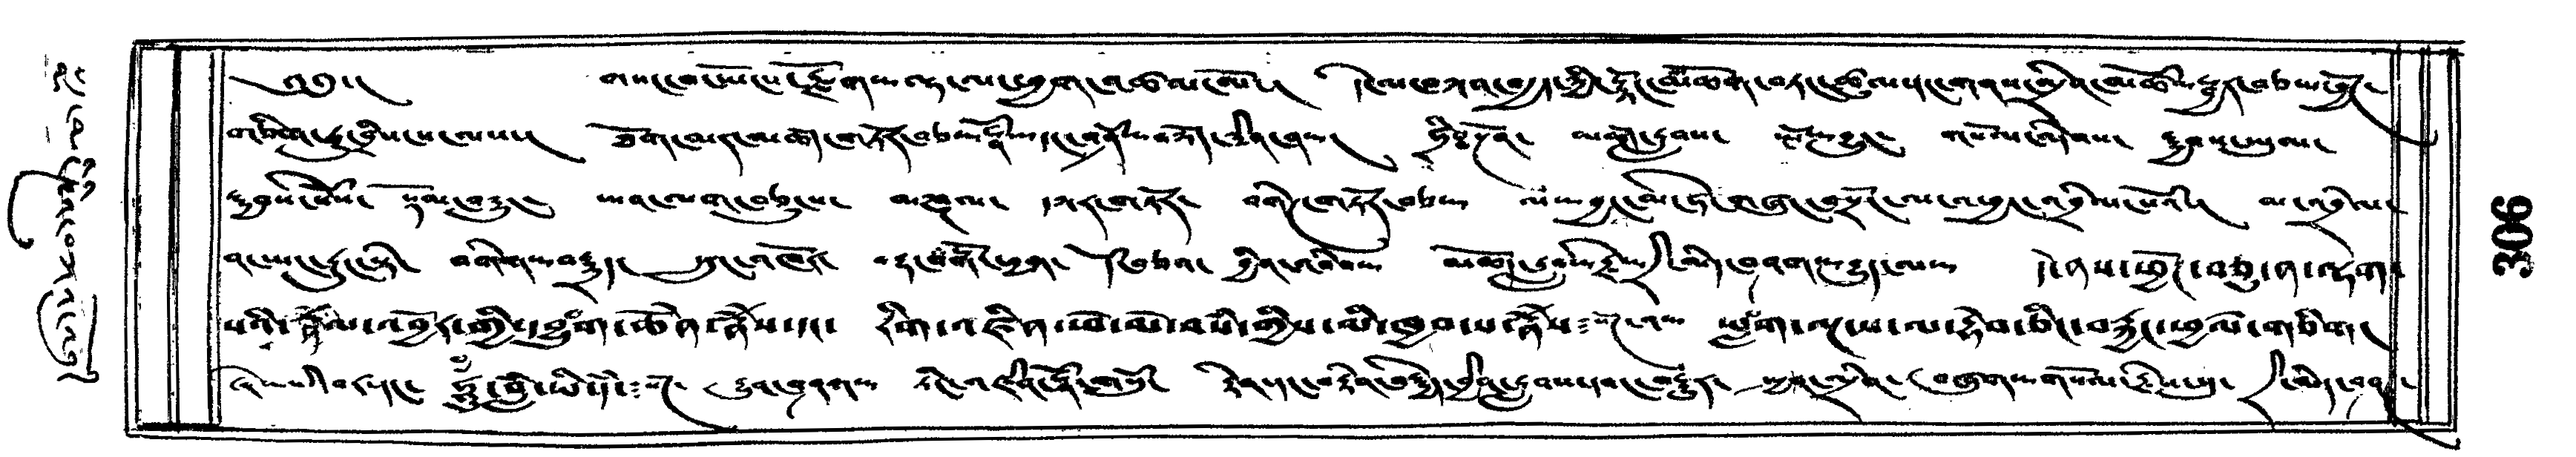༄༅། གསང་བ་ཡོངས་རྫོགས་ལྷ་ལ་ཕྱག་འཚལ་ལོ། དེ་ལ་བཀའ་བརྒྱད་ཀྱི་སྐོང་ཆོག་གཏོང་ཚུལ་དང་གནས་འདྲེན་མཚམས་སྦྱོར་བཅས་ཕྱོགས་
གཅིག་ཏུ་འབྲི་པ་ལ། ཐོག་མར་མཆོད་གཏོར་བཅས་བཤམས་བཀོད་ཟིན་ནས། ཧྲཱིཿསྔོན༴ མཆོད་རླབས། སྤོས་ཕྱུང་། གསོལ་འདེབས། སྐྱབས་ཡུལ། 
སྐྱབས་སེམས་། སྡོམ་བཟུང་། ཡནལག་བཅུ་པ། མཎྜལ། དཀར་གཏོར། བགེགས་གཏོར་བཅས། ལས་བྱང་མ་ཧེ་གཞུང་སྲོང་ལ་འཕྱང་འབྲེལ་པའམ། མ་འབྲེལ་
ནའང་རུང་སྟེ། བགེགས་བསྐྲད། སྲུང་འཁོར། བརྡ་བསྒོ་ཕྱག དམ་བཅའ། བྱིན་འབེབས། མཆོད་རླབས་རྗེས་དྲི་མེད་བཤགས་རྒྱུད་ལས། དེ་ནས་ཕྱོགས་བཅུ་ན་ལྷགས་
པའི་རྣལ་འབྱོར་གྱི་དབང་ཕྱུག་ཆེན་པོ་རྣམས་དང་། རིག་འཛིན་ཕོ་མོ་བསམ་གྱིས་མི་ཁྱབ་པ་རྣམས༴ སོགས་ནས། ཡན་ལག་ལྔ་ས་ལ་རྡེབ་ཅིང་བརྐྱང་ཕྱག་འཚོལ་གཅིག 
ཞེས་པའི་བར་དང་། ཧཱུྃ། བླ་མ་ཡི་དམ༴ སོགས། རྒྱུན་བཤགས། ཏིང་འཛིན་རྣམས་གསུམ། བརྟེན་བསྐྱེད་བྱིན་རླབས་དབང་བསྐུར། སྤྱན་འདྲེན། བཞུགས་གསོལ་རྗེས་སུ། དྲི་མེད་བཤགས་